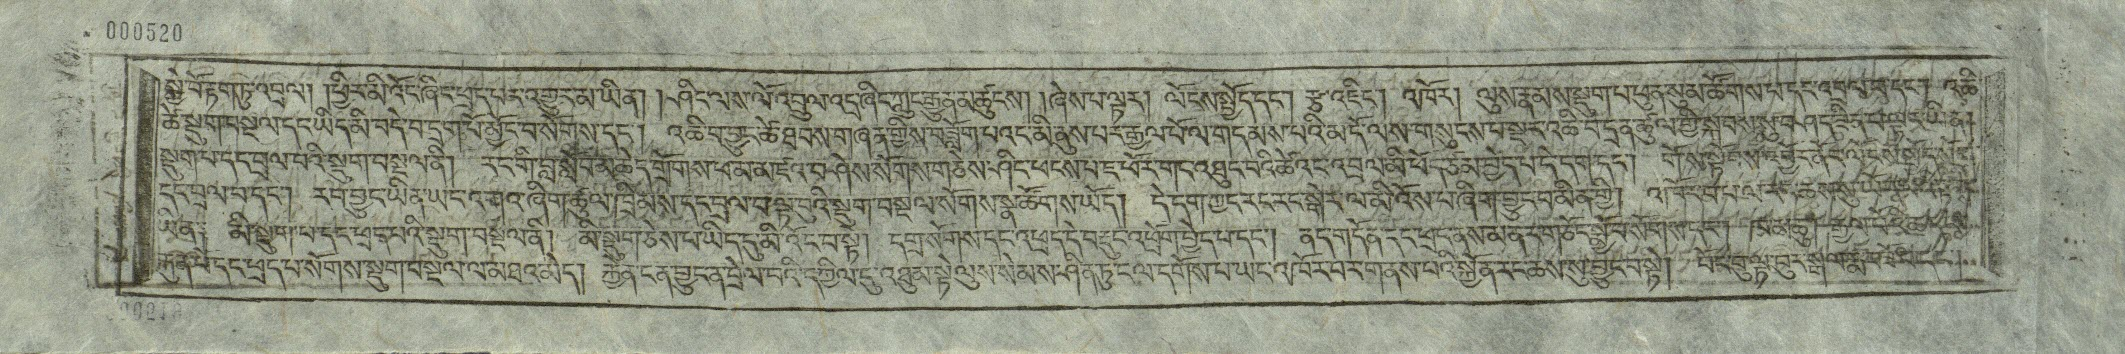སྐྱེ་བོ་རྟག་ཏུ་འབྲལ། །ཕྱིར་མི་འོང་ཞིང་ཕྲད་པར་འགྱུར་མ་ཡིན། །ཤིང་ལས་ལོ་འབྲུལ་འདྲ་ཞིང་ཀླུང་རྒྱུན་མཚུངས། །ཞེས་པ་ལྟར། ལོངས་སྤྱོད་དང་། རྩ་འཇིང་། འཁོར། ལུས་རྣམས་སྡུག་པ་ཕུན་སུམ་ཚོགས་པ་དང་འབྲལ་བ་དང་། འཆི་
ཚེ་སྡུག་བསྔལ་དང་ཡིད་མི་བདེ་བ་དྲག་པོ་མྱོང་བ་སོགས་དང་། འཆི་བ་བྱུང་ཚེ་ཐབས་གཞན་གྱིས་བཟློག་པའང་མི་ནུས་པར་རྒྱལ་པོ་ལ་གདམས་པའི་མདོ་ལས་གསུངས་པ་སྔར་འཆི་བ་དྲན་ཚུལ་གྱི་སྐབས་སུ་བཤད་ཟིན་པ་ལྟར་ཡིན།
སྡུག་པ་དང་བྲལ་བའི་སྡུག་བསྔལ་ནི། རང་གི་བླ་སློབ་མ་ཆེད་གྲོགས་ཕ་མ་མཛའ་བཤེས་སོགས་གཅེས་ཤིང་ཕངས་པ་ཇ་ཕོར་གང་འཐུང་བའི་ཚེའང་འབྲལ་མི་ཕོད་ཙམ་བྱེད་པ་དེ་དག་དང་། གོ་ས་སྟོབས་འབྱོར་ནོར་ལོངས་སྤྱོད་སོགས་
དང་བྲལ་བ་དང་། རབ་བྱུང་ཡིན་ཡང་འགའ་ཞིག་ཚུལ་ཁྲིམས་དང་བྲལ་བ་ལྟ་བུའི་སྡུག་བསྔལ་སོགས་སྣ་ཚོགས་ཡོད། དེ་དག་ཀྱང་རང་རང་སྒེར་ལ་མི་འོས་པ་ཞིག་བྱུང་བ་མིན་གྱི། འཁོར་བ་པ་ལ་རང་ཆས་སུ་ཡོད་པའི་རྟགས་
ཡིན༑ མི་སྡུག་པ་དང་ཕྲད་པའི་སྡུག་བསྔལ་ནི། མི་སྡུག་ཅེས་པ་ཡིད་དུ་མི་འོང་བ་སྟེ། དགྲ་སོགས་དང་འཕྲད་དེ་བརྡུང་འཕྲོག་བྱེད་པ་དང་། ནད་གདོན་དང་ཕྲད་ནས་མནར་གཅོང་སྨྱོ་བ་སོགས་དང་། ཁམ་ཆུ། རྒྱལ་པོའི་ཆད་པ།
རྐུན་པོ་དང་ཕྲད་པ་སོགས་སྡུག་བསྔལ་ལ་མཐའ་མེད། རྐྱེན་ངན་བྱུང་ན་བྲེལ་བའི་དཀྱིལ་དུ་འཐུམ་སྟེ་ལུས་སེམས་ཤིན་ཏུ་ངལ་དགོས་པ་ཡང་འཁོར་བར་གནས་པའི་སྐྱོན་རང་ཆས་སུ་བྱུང་བ་སྟེ། བོང་བུ་ལྟ་བུར་སྒལ་རྨ་བཟོ་བ་དང་།